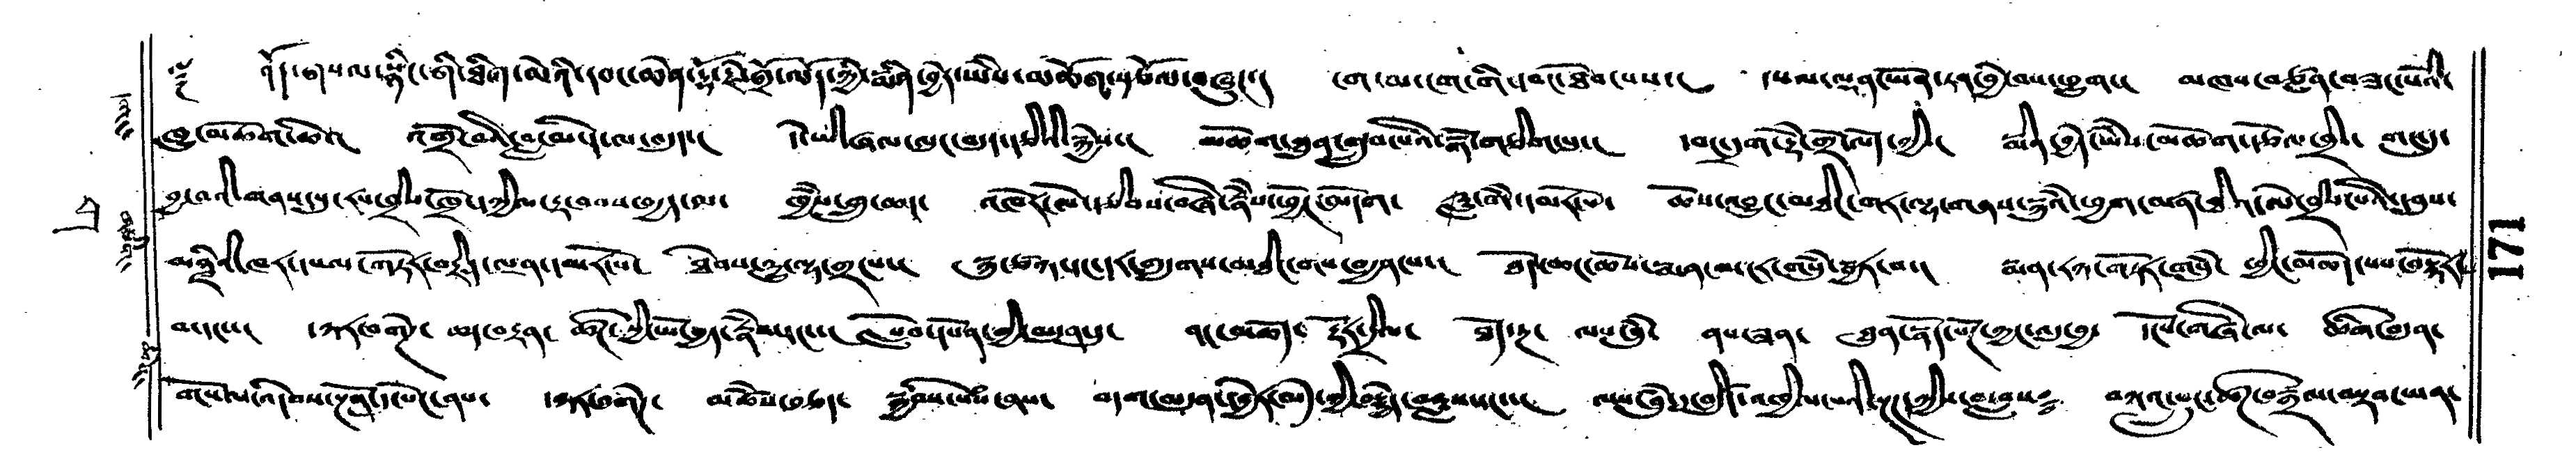༄༅ འོད་གསལ་སྙིང་གི་ཐིག་ལེའི་དབང་ཆེན་རྡོ་རྗེ་གྲོ་ལོད་ཀྱི་སྨིན་བྱེད་ཡེ་ཤེས་མཆོག་སྩོལ་བཞུགས། ངག་ལ་ངག་གི་དབང་ཐོབ་པས། དཔལ་ལྡན་ཡོན་ཏན་བྱེ་བས་ཕྱུག མཁས་བཙུན་བཟང་པོའི་
ཁྱུ་མཆོག་ཆེ། འགྲོ་བའི་བླ་མ་དེ་ལ་འདུད། དེ་ཡི་ཞལ་ལུང་བདུད་རྩྀའི་སྐྱེས། མཆོག་ཐུན་གྲུབ་པའི་སྒོ་གཅིག་པུ། དབང་དྲག་རྡོ་རྗེ་གྲོ་ལོད་ཀྱི། སྨིན་བྱེད་ཡེ་ཤེས་མཆོག་སྩོལ་བྲི། གང་དུ་
བྱ་བའི་གནས་སུ་རས་བྲིས་ཁྲོ་དཀྱིལ་རྟ་བབས་བརྒྱད་ལ། ཁྱམས་གྲུ་ཆད། འཁོར་ལོ་རྩིབས་བཞི་རྣམས་ཕྱོགས་མདོག ཟླ་གམ་དམར་པོ། ཆོས་འབྱུང་མཐིང་གར་ལྷ་གནས་སྐུའི་ཕྱག་མཚན་ཐིག་ལེ་བྲིས་པའི་དབུས་
མཉྫའི་ཁར་དཔལ་གཏོར་བརྗིད་ལྡན་དམར་པོ་ཐེབས་ཀྱུ་ལྷ་གྲངས། སྐུ་ཙག་དང་དར་གདུགས་མཐིང་གས་བརྒྱན་པ། ཐོད་ཆང་ཆོས་སྨན་མངར་གསུམ་སྦྱར་བ། སྨན་རག་གཏོར་གསུམ། ཕྱི་མཆོད་པས་བསྐོར་
པ་དང་། དཀར་བགེགས། ཆད་བརྟན། ཚོགས་ཀྱི་ཡོ་བྱད་རྣམས་དང་། སློབ་དཔོན་གྱི་མདུན་དུ་ནང་མཆོད་རྡོར་དྲིལ། ཐོད་རྔ། ལས་བུམ། ཐུན་སྣོད་སོགས་ཀྱང་འདུ་བྱ། དངོས་གཞི་ལ། ཚིག་བདུན་
གསོལ་འདེབས་སྔོན་དུ་སོང་ནས། དཀརབགེགས། མཚམས་བཅད། སྐྱབས་སེམས་ནས། བདག་མདུན་དབྱེར་མེད་ཀྱི་བསྐྱེད་བཟླས་དང་། ལས་བུམ་བདུད་རྩི་འཁྱིལ་པའི་སྔགས་ཀྱིས་བརླབས། བཀའ་སྲུང་ཚོགས་བསྒྲལ་བསྟབ་ཡན་